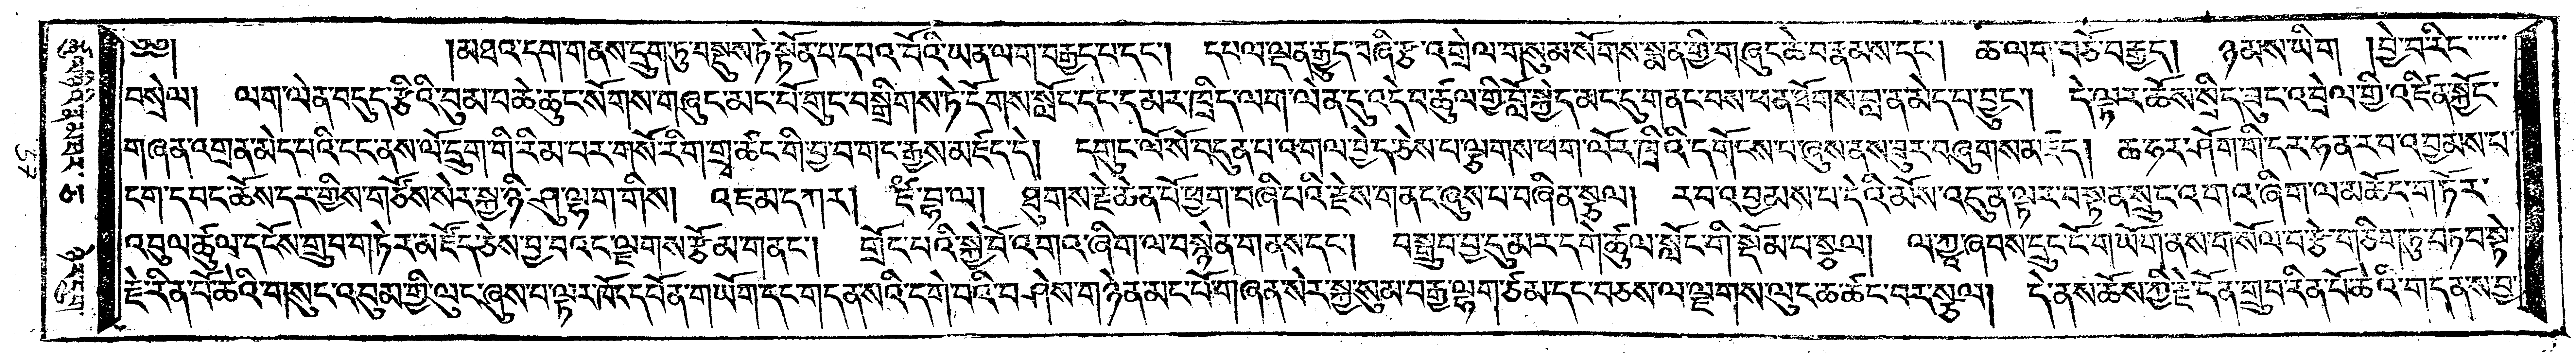༄༅། །མཐའ་དག་གནས་དྲུག་ཏུ་བསྡུས་ཏེ་སྟོན་པ་དཔའ་བོའི་ཡན་ལག་བརྒྱད་པ་དང་། དཔལ་ལྡན་རྒྱུད་བཞི་རྩ་འགྲེལ་གསུམ་སོགས་སྨན་གྱི་གཞུང་ཆེ་བ་རྣམས་དང་། ཆ་ལག་བཅོ་བརྒྱད། ཉམས་ཡིག །བྱེ་བ་རིང་
བསྲེལ། ལག་ལེན་བདུད་རྩིའི་བུམ་བ་ཆེ་ཆུང་སོགས་གཞུང་མང་པོ་གུང་བསྒྲིགས་ཏེ་དོགས་སློང་དང་དམར་ཁྲིད་ལག་ལེན་དུ་འདེབ་ཚུལ་གྱི་བློ་སྐྱེད་མང་དུ་གནང་བས་ཕན་ཐོགས་བླ་ན་མེད་པ་བྱུང་། དེ་ལྟར་ཆོས་སྲིད་ཟུང་འབྲེལ་གྱི་འཛིན་སྐྱོང་
གཞན་འགྲན་མེད་པའི་ངང་ནས་ལོ་དྲུག་གི་རིམ་པར་གསོ་རིག་གྲྭ་ཚང་གི་བྱ་བ་གང་རྒྱས་མཛད་དེ། དགུང་ལོ་སོ་བདུན་པ་འགལ་བྱེད་ཅེས་པ་ལྕགས་ཕག་ལོར་ཁྲིའི་དགོངས་པ་ཞུས་ནས་ཟུར་བཞུགས་མཛད། ཆ་ཧར་ཤོག་གི་དར་ཧན་རབ་འབྱམས་པ་
ངག་དབང་ཆོས་དར་གྱིས་གཙོས་སེར་སྐྱ་ཉི་ཤུ་ལྷག་གིས། འཇམ་དཀར། ཛཾ་བྷ་ལ། ཐུགས་རྗེ་ཆེན་པོ་ཕྱག་བཞི་པའི་རྗེས་གནང་ཞུས་པ་བཞིན་སྩལ། རབ་འབྱམས་པ་དེའི་མོས་འདུན་ལྟར་བསྟན་སྲུང་འགའ་ཞིག་ལ་མཆོད་གཏོར་
འབུལ་ཚུལ་དངོས་གྲུབ་གཏེར་མཛོད་ཅེས་བྱ་བའང་ལྗགས་རྩོམ་གནང་། གྲོང་པའི་སྐྱེ་བོ་འགའ་ཞིག་ལ་བསྙེན་གནས་དང་། བསྒྲུབ་བྱ་དུ་མར་དགེ་ཚུལ་སློང་གི་སྡོམ་པ་སྩལ། ལ་ཀྱཱ་ཞབས་དྲུང་ངོ་གཡོག་ནས་གསོལ་བ་རྩེ་གཅིག་ཏུ་བཏབ་སྟེ་
རྗེ་རིན་པོ་ཆེའི་གསུང་འབུམ་གྱི་ལུང་ཞུས་པ་ལྟར་ཁོང་དཔོན་གཡོག་དང་གདན་སའི་དགེ་བའི་བཤེས་གཉེན་མང་པོ་གཞན་སེར་སྐྱ་སུམ་བརྒྱ་ལྷག་ཙམ་དང་བཅས་ལ་ལྗགས་ལུང་ཆ་ཚང་བར་སྩལ། དེ་ནས་ཆོས་ཀྱི་རྗེ་དོན་གྲུབ་རིན་པོ་ཆེའི་གདན་ས་བྱ་